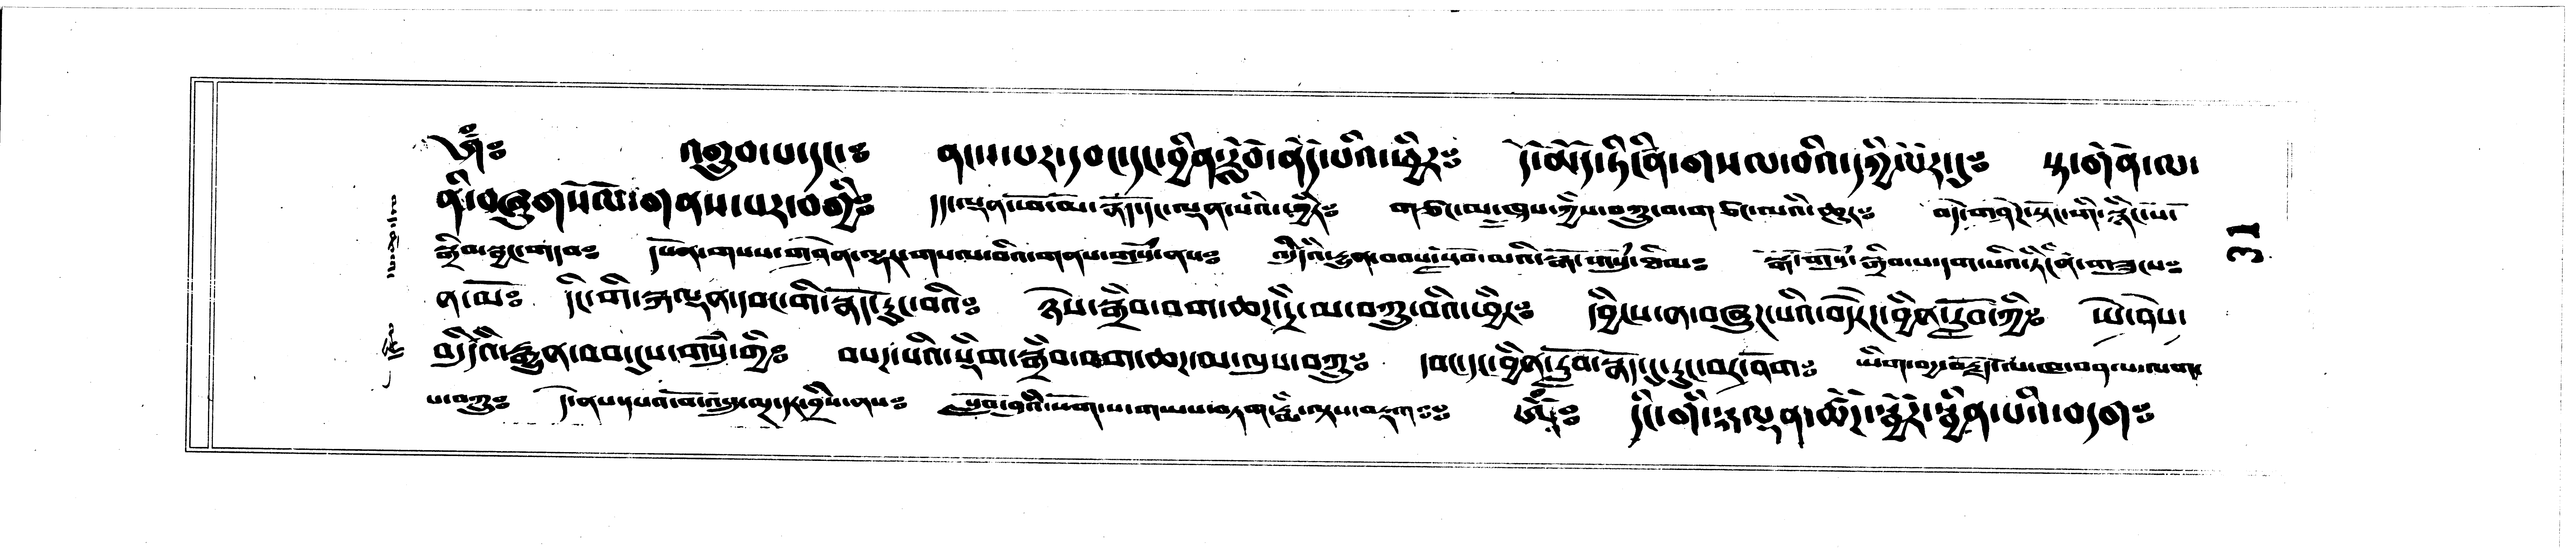འགྲུབ་པ་དངཿ ནང་པར་དབང་དང་བྱིན་རླབས་ནོད་པའི་ཕྱིརཿ དོ་མོད་ཏིང་འཛིན་གསལ་བའི་དཀྱིལ་འཁོར་དུཿ སྟ་གོན་ལ་
ནི་བཞུགས་གསོལ་གནས་པར་བགྱིཿ དད་ལྡན་ཕོ་མོ་སྣོད་དང་ལྡན་པའི་ཕྱིརཿ གཙང་མ་ཁྲུས་ཀྱིས་བཀྲུ་བ་གཙང་མའི་ཆུརཿ བདེར་གཤེགས་སྟོང་གི་སྙིང་པོ་
སྒྲིབ་སྦྱོང་གདབཿ དཔོན་གསས་གཤེན་ལྷར་གསལ་བའི་གནས་གསུམ་ནསཿ བདུད་རྩིའི་རྒྱུན་བབས་སློབ་མའི་སྒོ་གསུམ་ཐིམཿ སྒོ་གསུམ་སྒྲིབ་པ་དག་པའི་ཏིང་འཛིན་གཟུངསཿ
ན་མོ་དེང་གི་སྐལ་ལྡན་དབང་གི་སྣོད་རུང་བའིཿ ཉེས་སྒྲིབ་བག་ཆགས་དྲི་མ་བཀྲུ་བའི་ཕྱིརཿ དབྱིངས་ན་བཞུགས་པའི་བདེར་གཤེགས་བྱིན་རློབས་ཀྱིཿ ཡེ་ཤེས་
བདུད་རྩི་རྒྱུན་བབས་དུས་གསུམ་གྱིཿ བསགས་པའི་སྡིག་སྒྲིབ་བག་ཆགས་མ་ལུས་བཀྲུཿ དབང་དང་བྱིན་རླབས་སྣོད་དུ་རུང་བར་ཤོགཿ ཡིག་བརྒྱ་བརྗོད་ལ་ཁ་བཤལ་ལག་
པ་བཀྲུཿ དེ་ནས་དཔའ་བོ་འབྲུ་ལྔ་དར་བྲིས་ནསཿ སློབ་བུའི་སོག་པ་གཡས་བཏགས་རྨི་ལྟས་བརྟགསཿ ཨཱོྃཿ དེང་གི་སྐལ་ལྡན་ཚོགས་སྦྱོར་སྦྱིན་པའི་བདགཿ